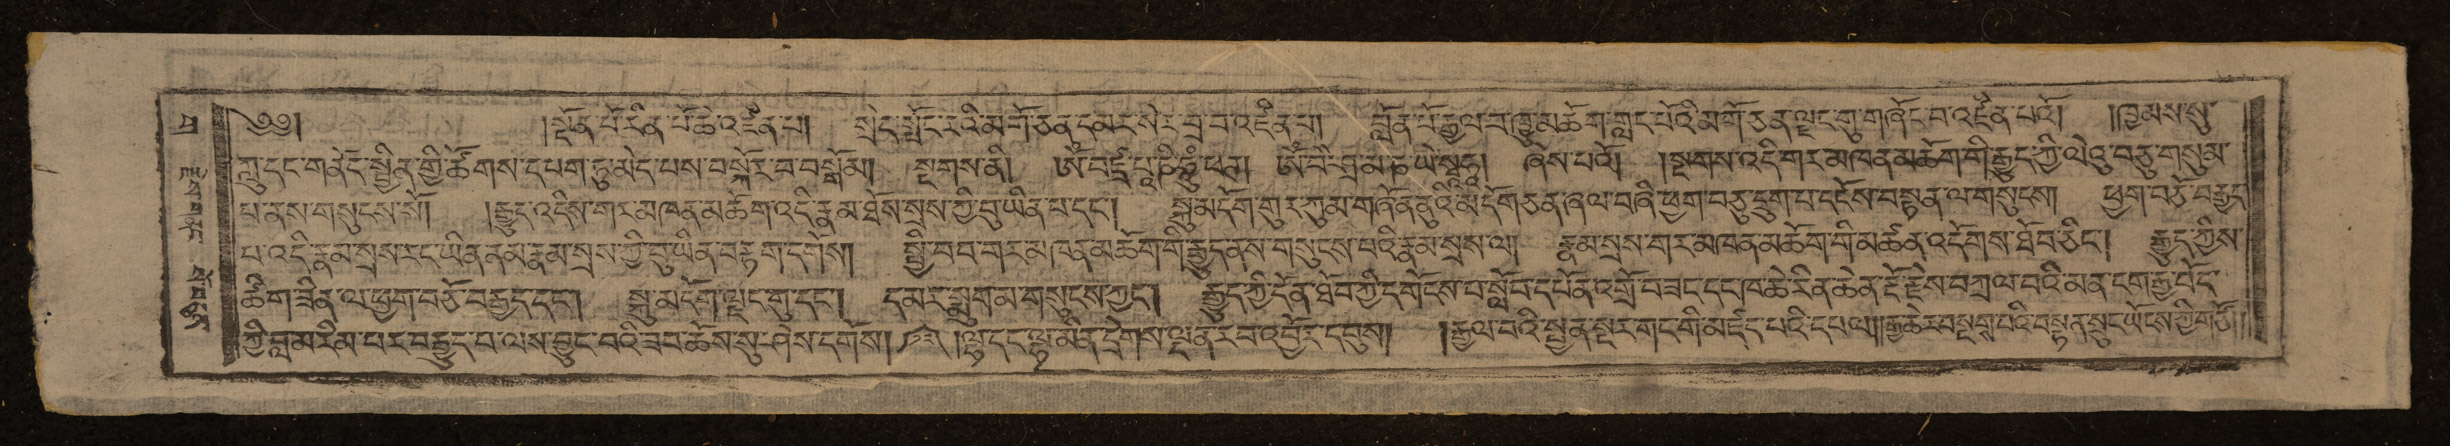༄༅། །སྔོན་པོ་རིན་པོ་ཆེ་འཛིན་པ། སྲེད་སྤོང་རའི་མགོ་ཅན་དམར་སེར་བྲ་བ་འཛིན་པ། བློན་པོ་རྒྱལ་བ་ཁྱུ་མཆོག་གླང་པོའི་མགོ་ཅན་ལྗང་གུ་གཞོང་བ་འཛིན་པའོ། །ཁྱམས་སུ་
ཀླུ་དང་གནོད་སྦྱིན་གྱི་ཚོགས་དཔག་ཏུ་མེད་པས་བསྐོར་བ་བསྒོམ། སྔགས་ནི། ཨོཾ་བཛྲ་པཱ་ཎི་ཧཱུཾ་ཕཊ། ཨོཾ་བཻ་ཤྲ་མ་ཎ་ཡེ་སྭཱཧཱ། ཞེས་པའོ། །སྔགས་འདི་གར་མཁན་མཆོག་གི་རྒྱུད་ཀྱི་ལེའུ་བཅུ་གསུམ་
པ་ནས་གསུངས་སོ། །རྒྱུད་འདིས་གར་མཁན་མཆོག་འདི་རྣམ་ཐོས་སྲས་ཀྱི་བུ་ཡིན་པ་དང་། སྐུ་མདོག་གུར་ཀུམ་གཞོན་ནུའི་མདོག་ཅན་ཞལ་བཞི་ཕྱག་བཅུ་དྲུག་པ་དངོས་བསྟན་ལ་གསུངས། ཕྱག་བཅོ་བརྒྱད་
པ་འདི་རྣམ་སྲས་རང་ཡིན་ནམ་རྣམ་སྲས་ཀྱི་བུ་ཡིན་བརྟག་དགོས། སྤྱི་བབ་གར་མཁན་མཆོག་གི་རྒྱུད་ནས་གསུངས་པའི་རྣམ་སྲས་ལ། རྣམ་སྲས་གར་མཁན་མཆོག་གི་མཚན་འདོགས་ཐོབ་ཅིང་། རྒྱུད་ཀྱིས་
ཚིག་ཟིན་པ་ཕྱག་བཅོ་བརྒྱད་དང་། སྐུ་མདོག་ལྗང་གུ་དང་། དམར་སྨུག་མ་གསུངས་ཀྱང་། རྒྱུད་ཀྱི་དོན་ཐོབ་ཀྱི་དགོངས་པ་སློབ་དཔོན་འགྲོ་བཟང་དང་ཁ་ཆེ་རིན་ཆེན་རྡོ་རྗེས་བཀྲལ་བའི་མན་ངག་རྒྱ་བོད་
ཀྱི་བླ་མ་རིམ་པར་བརྒྱུད་པ་ལས་བྱུང་བའི་ཟབ་ཆོས་སུ་ཤེས་དགོས། ༡༢?་།ལྷ་དང་ལྷ་མིན་དྲེགས་ལྡན་རབ་འབྱོར་དབུས། །རྒྱལ་བའི་སྤྱན་སྔར་གང་གི་མཛད་པའི་དཔལ། །རྒྱ་ཆེར་བསྔགས་པའི་བསྟན་སྲུང་ཡོངས་ཀྱི་གཙོ།།